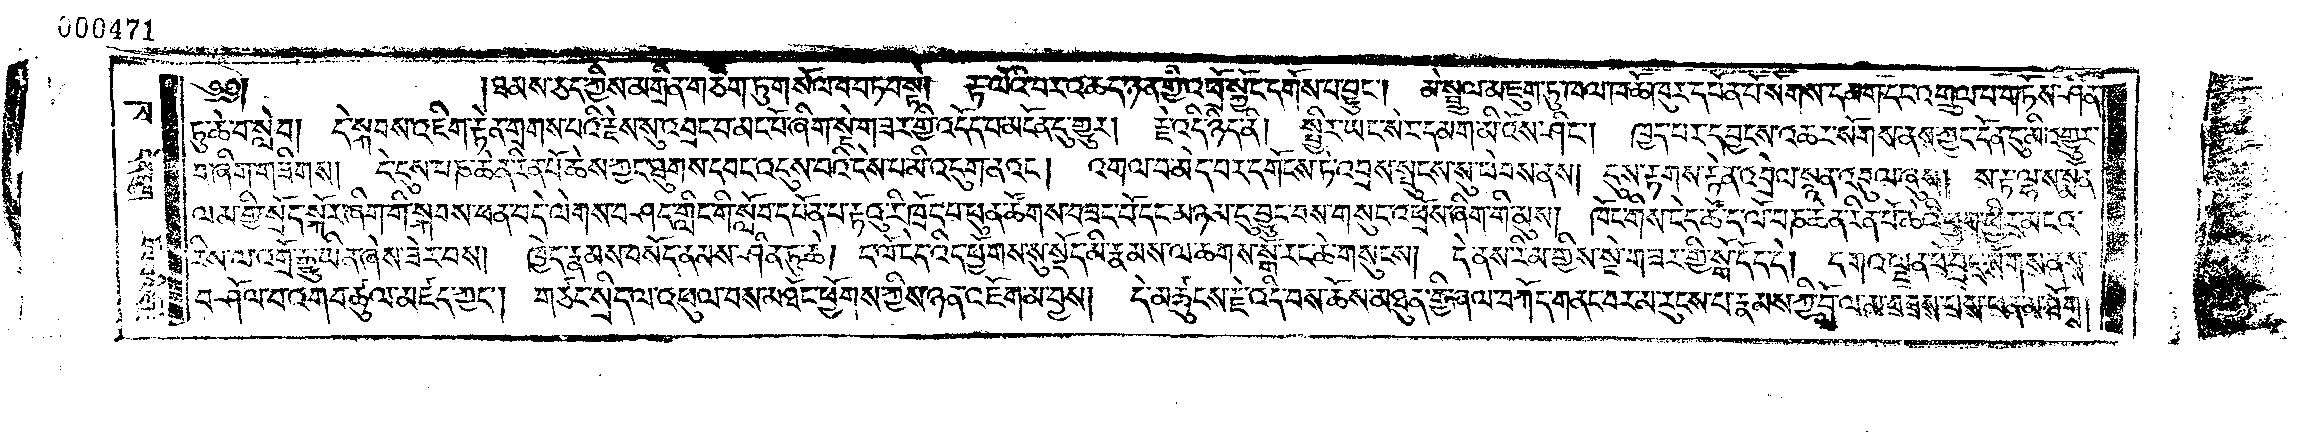༄༅། །ཐམས་ཅད་ཀྱིས་མགྲིན་གཅིག་ཏུ་གསོལ་བ་བཏབ་སྟེ། རྟ་ལོའི་བར་འཆད་ཉན་གྱི་འཕྲོ་སྐྱོང་དགོས་པ་བྱུང་། མེ་སྤྲུལ་མཇུག་ཏུ་ཁལ་ཁ་ཆོ་ཁུར་དཔོན་པོ་སོགས་དམག་དང་འགྲུལ་པ་གཏོས་ཤིན་
ཏུ་ཆེ་བ་སླེབ། དེ་སྐབས་འཇིག་རྟེན་གྲགས་པའི་རྗེས་སུ་འབྲང་བ་མང་པོ་ཞིག་སྡེ་གཟར་གྱི་འདོད་པ་མངོན་དུ་གྱུར། རྗེ་འདི་ཉིད་ནི། སྤྱིར་ཡང་སེར་དམག་མི་འོས་ཤིང་། ཁྱད་པར་དབྱངས་འཆར་སོགས་ནས་ཀྱང་དོན་དུ་མི་འགྱུར་
བ་ཞིག་གཟིགས། དེ་དུས་པཎ་ཆེན་རིན་པོ་ཆེས་ཀྱང་ཐུགས་དབང་འདུས་པའི་ངེས་པ་མི་འདུག་ནའང་། འགལ་བ་མེད་བར་དགོངས་ཏེ་འབྲས་སྤུངས་སུ་ཕེབས་ནས། དུས་རྟག་རྟེན་འབྲེལ་སྙན་འབུལ་ཞུས། ས་རྟ་ལྷ་ས་སྨོན་
ལམ་གྱི་སྲོད་སྐོར་ཞིག་གི་སྐབས་ཕན་བདེ་ལེགས་བཤད་གླིང་གི་སློབ་དཔོན་པ་རྟའུ་རི་ཁྲོད་པ་ཕུན་ཚོགས་བཟང་པོ་དང་མཉམ་དུ་བྱུང་བས་གསུང་འཕྲོས་ཞིག་གི་མུས། ཁོང་གིས་ངེད་ཚོད་ལོ་པཎ་ཆེན་རིན་པོ་ཆེའི་ཕྱག་ཕྱིར་མངའ་
རིས་ལ་འགྲོ་རྒྱུ་ཡིན་ཞེས་ཟེར་བས། ཁྱེད་རྣམས་བསོད་ནམས་ཤིན་ཏུ་ཆེ། ད་ལོ་ངེད་འདི་ཕྱོགས་སུ་སྡོད་མི་རྣམས་ལ་ཆགས་སྒོ་རང་ཆེ་གསུངས། དེ་ནས་རིམ་གྱིས་སྡེ་གཟར་གྱི་སྒོ་དོད་དེ། དགའ་ལྡན་ཕོ་བྲང་སོགས་ནས་
བཤོལ་བ་འགབ་ཚུལ་མཛད་ཀྱང་། གཙང་སྲིད་ལ་འཕུལ་བས་མཐོང་ཕྱོགས་ཀྱིས་ཉན་འཇོག་མ་བྱས། དེ་མཚུངས་རྗེ་འདི་བས་ཆོས་མཐུན་གྱི་ཞལ་བཀོད་གནང་བར་མ་རུངས་པ་རྣམས་ཀྱི་བློ་ལ་མ་བབས་པས་ཕན་མ་ཐོགས།